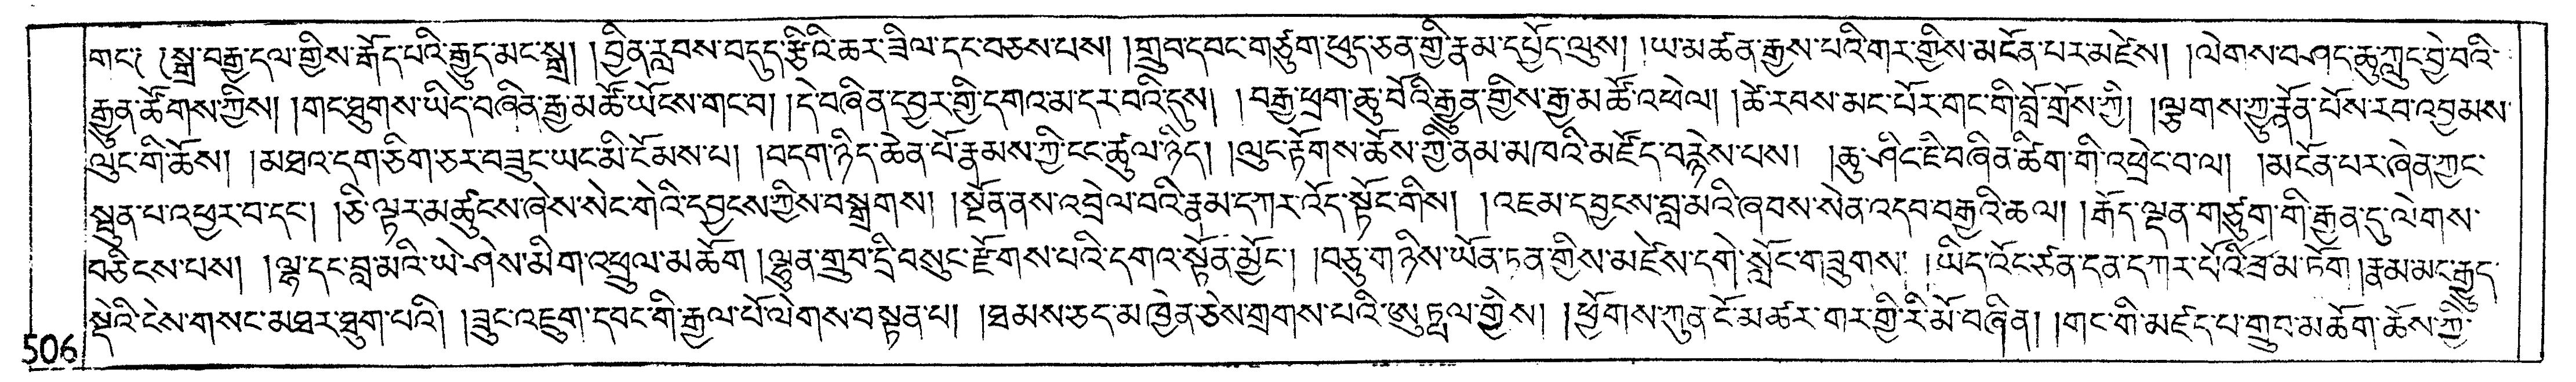གང༑ ༑སྒྲ་བརྒྱ་དལ་གྱིས་རྒོད་པའི་རྒྱུད་མང་སྒྲ། །བྱིན་རླབས་བདུད་རྩིའི་ཆར་ཟིལ་དང་བཅས་པས། །གྲུབ་དབང་གཙུག་ཕུད་ཅན་གྱི་རྣམ་དཔྱོད་ལུས། །ཡ་མཚན་རྒྱས་པའི་གར་གྱིས་མངོན་པར་མཛེས། །ལེགས་བཤད་ཆུ་ཀླུང་བྱེ་བའི་
རྒྱུན་ཚོགས་ཀྱིས། །གང་ཐུགས་ཡིད་བཞིན་རྒྱ་མཚོ་ཡོངས་གང་བ། །དེ་བཞིན་དབྱར་གྱི་དགའ་མ་དར་བའི་དུས། །བརྒྱ་ཕྲག་ཆུ་བོའི་རྒྱུན་གྱིས་རྒྱ་མཚོ་འཕེལ། །ཚེ་རབས་མང་པོར་གང་གི་བློ་གྲོས་ཀྱི། །ལྕགས་ཀྱུ་རྣོན་པོས་རབ་འབྱམས་
ལུང་གི་ཆོས། །མཐའ་དག་ཅིག་ཅར་བཟུང་ཡང་མི་ངོམས་པ། །བདག་ཉིད་ཆེན་པོ་རྣམས་ཀྱི་ངང་ཚུལ་ཉིད། །ལུང་རྟོགས་ཆོས་ཀྱི་ནམ་མཁའི་མཛོད་བརྙེས་པས། །ཆུ་ཤིང་ཇི་བཞིན་ཚིག་གི་འཕྲེང་བ་ལ། །མངོན་པར་ཞེན་ཀྱང་
སྦུན་པ་འཕྱར་བ་དང་། །ཅི་ལྟར་མཚུངས་ཞེས་སེང་གེའི་དབྱངས་ཀྱིས་བསྒྲགས། །སྔོན་ནས་འབྲེལ་བའི་རྣམ་དཀར་འོད་སྟོང་གིས། །འཇམ་དབྱངས་བླ་མའི་ཞབས་སེན་འདབ་བརྒྱའི་ཆ་ལ། །རྒོད་ལྡན་གཙུག་གི་རྒྱན་དུ་ལེགས་
བཅིངས་པས། །ལྷ་དང་བླ་མའི་ཡེ་ཤེས་མིག་འཕྲུལ་མཆོག །ལྷུན་གྲུབ་དྲི་བསུང་རྫོགས་པའི་དགའ་སྟོན་མྱོང་། །བཅུ་གཉིས་ཡོན་ཏན་གྱིས་མཛེས་དགེ་སློང་གཟུགས། །ཡིད་འོང་ཙན་དན་དཀར་པོའི་ཟ་མ་ཏོག །རྣམ་མང་རྒྱུད་
སྡེའི་ངེས་གསང་མཐར་ཐུག་པའི། །ཟུང་འཇུག་དབང་གི་རྒྱལ་པོ་ལེགས་བསྟན་པ། །ཐམས་ཅད་མཁྱེན་ཅེས་གྲགས་པའི་ཨུཏྤལ་གྱིས། །ཕྱོགས་ཀུན་ངོ་མཚར་གར་གྱི་རི་མོ་བཞིན། །གང་གི་མཛད་པ་གྲུབ་མཆོག་ཆོས་ཀྱི་